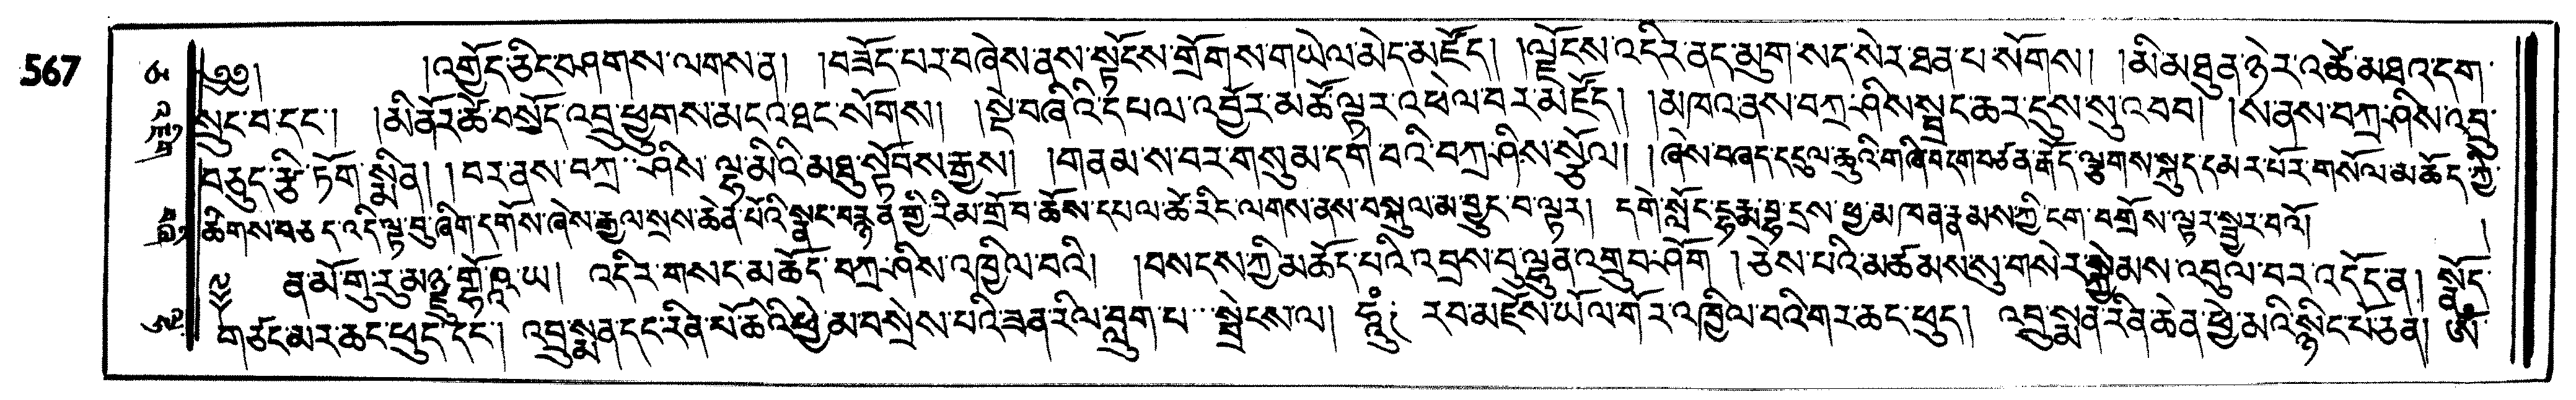༄༅། །འགྱོད་ཅིང་བཤགས་ལགས་ན། །བཟོད་པར་བཞེས་ནས་སྟོངས་གྲོགས་གཡེལ་མེད་མཛོད། །ལྗོངས་འདིར་ནང་མུག་སད་སེར་ཐན་པ་སོགས། །མི་མཐུན་ཉེར་འཚེ་མཐའ་དག་
སྲུང་བ་དང་། །མི་ནོར་ཚེ་བསོད་འབྲུ་ཕྱུགས་མངའ་ཐང་སོགས། །སྡེ་བཞིའི་དཔལ་འབྱོར་མཚོ་ལྟར་འཕེལ་བར་མཛོད། །མཁའ་ནས་བཀྲ་ཤིས་སྦྲང་ཆར་དུས་སུ་འབབ། །ས་ནས་བཀྲ་ཤིས་འབྲུ་
བཅུད་རྩི་ཏོག་སྨིན། །བར་ནས་བཀྲ་་་ཤིས་ལྷ་མིའི་མཐུ་སྟོབས་རྒྱས། །གནམ་ས་བར་གསུམ་དག་བའི་བཀྲ་ཤིས་སྩོལ། །ཞེས་བཤད་དངུལ་ཆུའི་གཞི་བདག་བཙན་རྒོད་ལྕགས་སྐུད་དམར་པོར་གསོལ་མཆོད་ཀྱི་
ཚིགས་བཅད་འདི་ལྟ་བུ་ཞིག་དགོས་ཞེས་རྒྱལ་སྲས་ཆེན་པོའི་སྣང་བརྙན་གྱི་རིམ་གྲོ་བ་ཆོས་དཔལ་ཚེ་རིང་ལགས་ནས་བསྐུལ་མ་བྱུང་བ་ལྟར། དགེ་སློང་དྷརྨ་བྷ་དྲས་ཕྱ་མཁན་རྣམས་ཀྱི་ངག་བགྲོས་ལྟར་སྦྱར་བའོ། །
འ་ན་མོ་གུ་རུ་མཉྫུ་གྷོ་ཥཱ་ཡ། འདིར་གསང་མཆོད་བཀྲ་ཤིས་འཁྱིལ་བའི། །བསངས་ཀྱི་མཆོད་པའི་འབྲས་བུ་ལྷུན་འགྲུབ་ཤོག །ཅེས་པའི་མཚམས་སུ་གསེར་སྐྱེམས་འབུལ་བར་འདོད་ན། སྣོད་
གཙང་མར་ཆང་ཕུད་དང་། འབྲུ་སྨན་དང་རིན་པོ་ཆེའི་ཕྱེ་མ་བསྲེས་པའི་ཟན་རིལ་བླུག་པ་་་སྦྲེངས་ལ། ཧཱུཾ༑ རབ་མཛོས་ཡོལ་གོར་འཁྱིལ་བའི་གར་ཆང་ཕུད། འབྲུ་སྨན་རིན་ཆེན་ཕྱེ་མའི་སྙིང་པོ་ཅན། ཨོཾ་